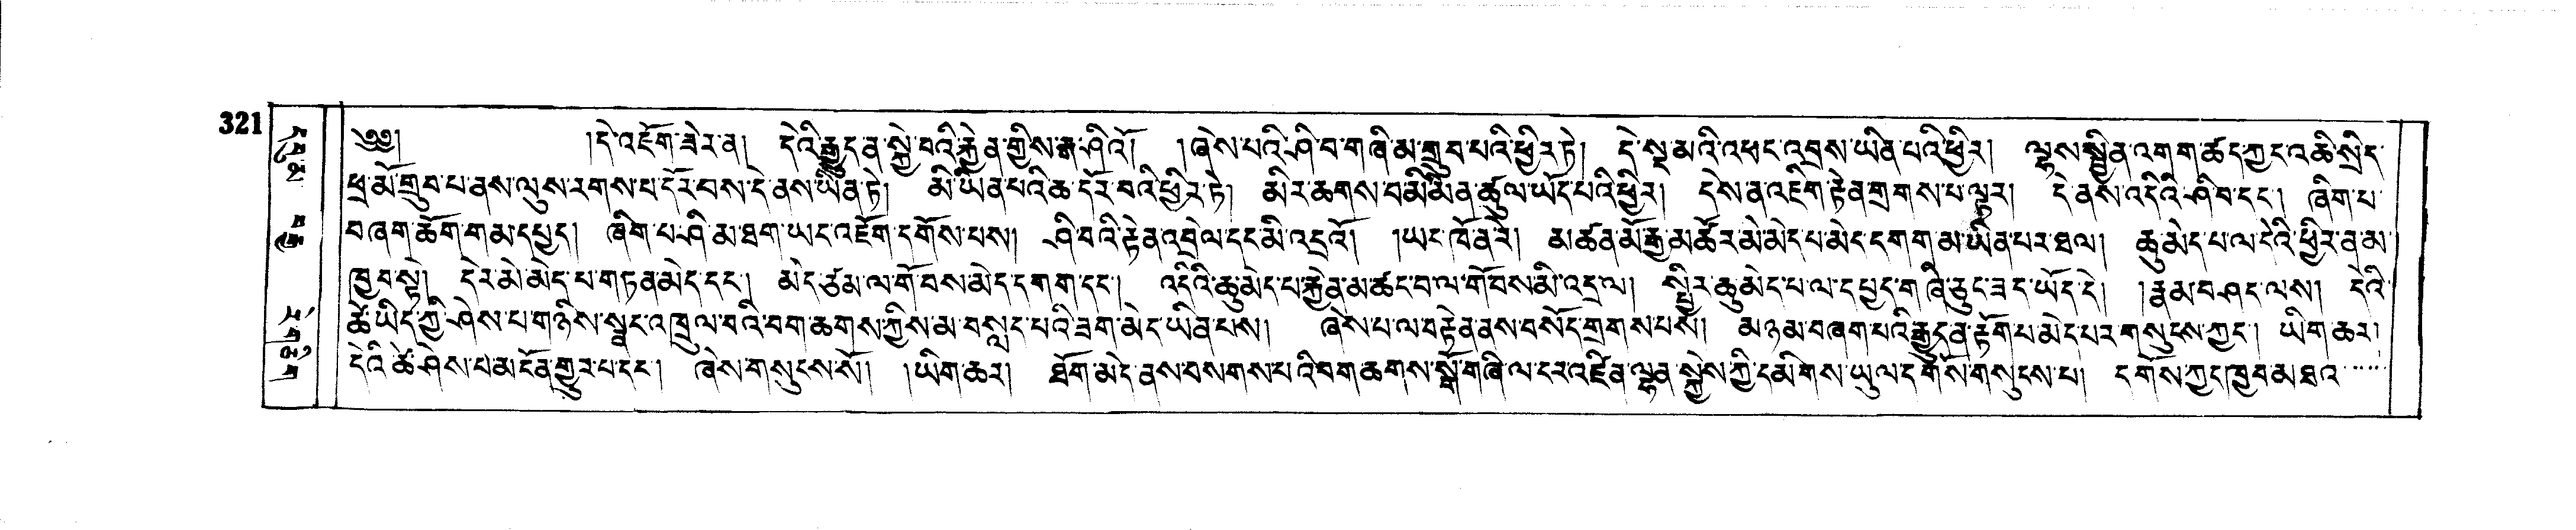༄༅། །དེ་འཇོག་ཟེར་ན། དེའི་རྒྱུད་ན་སྐྱེ་བའི་རྐྱེན་གྱིས་རྒ་ཤིའོ། །ཞེས་པའི་ཤི་བ་གཞི་མ་གྲུབ་པའི་ཕྱིར་ཏེ། དེ་སྔ་མའི་འཕང་འབྲས་ཡིན་པའི་ཕྱིར། ལྷས་སྦྱིན་འགག་ཚད་ཀྱང་འཆི་སྲིད་
ཕྲ་མོ་གྲུབ་པ་ནས་ལུས་རགས་པ་དོར་བས་དེ་ནས་ཡིན་ཏེ། མི་ཡིན་པའི་ཆ་དོར་བའི་ཕྱིར་ཏེ། མིར་ཆགས་པ་མི་མིན་ཚུལ་ཡོད་པའི་ཕྱིར། དེས་ན་འཇིག་རྟེན་གྲགས་པ་ལྟར། དེ་ནས་འདིའི་ཤི་བ་དང་། ཞིག་པ་
བཞག་ཆོག་གམ་དཔྱད། ཞིག་པ་ཤི་མ་ཐག་ཡང་འཇོག་དགོས་པས། ཤི་བའི་རྟེན་འབྲེལ་དང་མི་འདྲའོ། །ཡང་ཁོ་ན་རེ། མཚན་མོ་རྒྱ་མཚོར་མེ་མེད་པ་མེད་དགག་མ་ཡིན་པར་ཐལ། ཆུ་མེད་པ་ལ་དེའི་ཕྱིར་ན་མ་
ཁྱབ་སྟེ། དེར་མེ་མེད་པ་གཏན་མེད་དང་། མེད་ཙམ་ལ་གོ་བས་མེད་དགག་དང་། འདིའི་ཆུ་མེད་པ་རྐྱེན་མ་ཚང་བ་ལ་གོ་བས་མི་འདྲ་ལ། སྤྱིར་ཆུ་མེད་པ་ལ་དཔྱད་གཞི་ཅུང་ཟད་ཡོད་དེ། །རྣམ་བཤད་ལས། དེའི་
ཚེ་ཡིད་ཀྱི་ཤེས་པ་གཉིས་སྣང་འཁྲུལ་བའི་བག་ཆགས་ཀྱིས་མ་བསླད་པའི་ཟག་མེད་ཡིན་པས། ཞེས་པ་ལ་བརྟེན་ནས་བསོད་གྲགས་པས། མཉམ་བཞག་པའི་རྒྱུད་ན་རྟོག་པ་མེད་པར་གསུངས་ཀྱང་། ཡིག་ཆར།
དེའི་ཚེ་ཤེས་པ་མངོན་གྱུར་པ་དང་། ཞེས་གསུངས་སོ། །ཡིག་ཆར། ཐོག་མེད་ནས་བསགས་པའི་བག་ཆགས་སྒོ་གཞི་ལ་ངར་འཛིན་ལྷན་སྐྱེས་ཀྱི་དམིགས་ཡུལ་དགོས་གསུངས་པ། དགོས་ཀྱང་ཁྱབ་མཐའ་